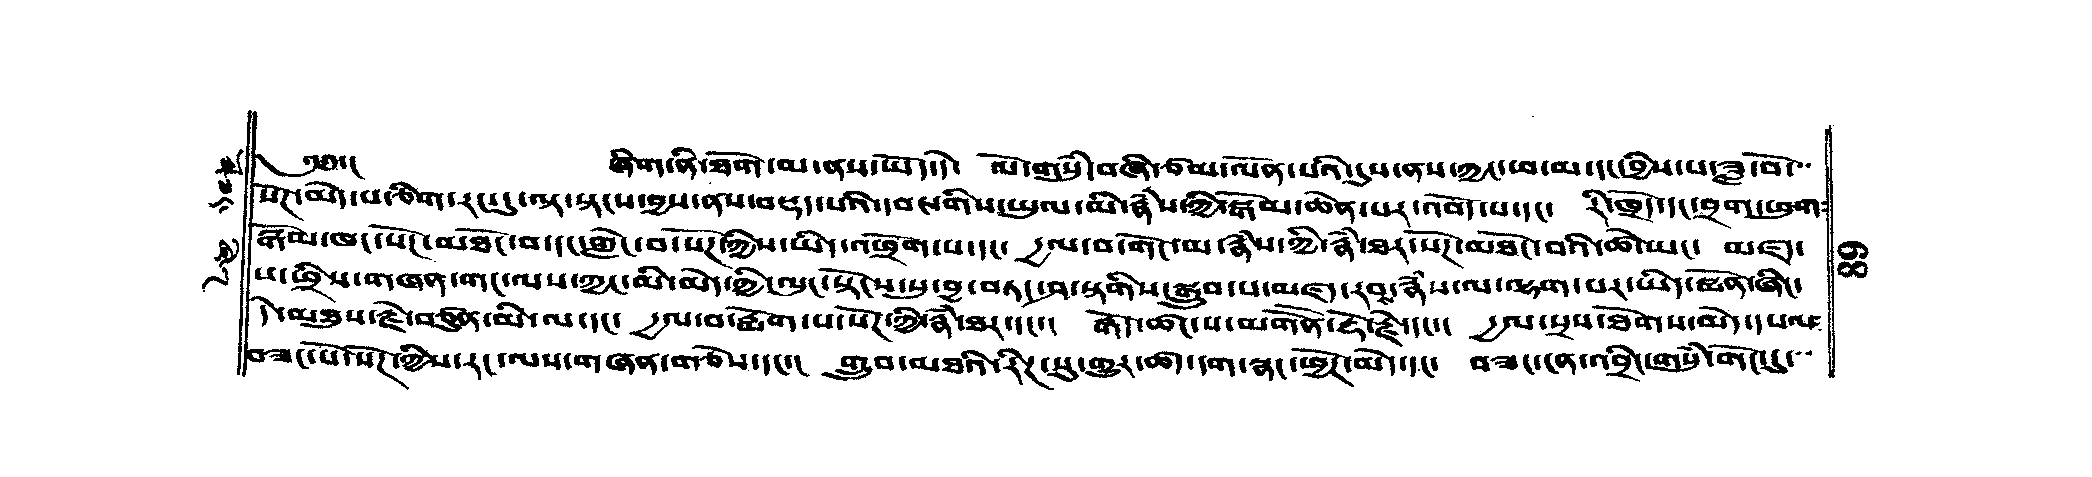ཞིག་ནི་ཐོག་མ་ནས་ཡོད་དེ། ལོ་གསུམ་བཞི་ཙམ་ལོན་པའི་དུས་ནས་ཀྱང་ཕ་མ་དང་བྱིས་པ་ཟླ་བོ་
སོགས་མེད་པ་གཅིག་རང་དུ་ལྟ་སྟངས་བྱས་ནས་བསྡད་པའི་དབང་གིས་ཡུལ་མི་རྣམས་ཀྱི་སྒོམ་ཆེན་པར་འབོད་པ་དང་། རི་ཁྲོད་དང་བྲག་ཕུག་
སྒོམ་ཁང་སོགས་མཐོང་བ་དང་གླེང་བ་སོགས་ཀྱིས་ཡིད་འཕྲོག་པ་དང་། རྒྱལ་བ་གོང་མ་རྣམས་ཀྱི་རྣམ་ཐར་སོགས་མཐོང་བའི་ཚེ་ཡང་། མཛད་
པ་ཕྲིན་ལས་གཞན་གང་ལས་ཀྱང་མི་མེད་ཀྱི་ལུང་སྟོངས་སུ་བྱ་བཏང་ཤ་སྟག་གིས་སྒྲུབ་པ་མཛད་རབས་རྣམས་ལ་ལྷག་པར་ཡིད་སྨོན་ཞིང་། 
དེ་མཐུས་རྗེ་བཙུན་མི་ལ་དང་། རྒྱལ་བ་རྨོག་པ་སོགས་ཀྱི་རྣམ་ཐར་དང་། རྒོད་ཚང་པ་མགོན་པོ་རྡོ་རྗེ་དང་། རྒྱལ་སྲས་ཐོགས་མེད་དཔལ་
བཟང་པོ་སོགས་ཀྱིས་རང་ལས་གཞན་གཅེས་དང་། གྲུབ་མཐའི་རིགས་སུ་གྱུར་ཚད་ལ་དག་སྣང་ཕྱོགས་མེད་དང་། བཟང་ངན་འབྲིང་གསུམ་གོང་དུ་